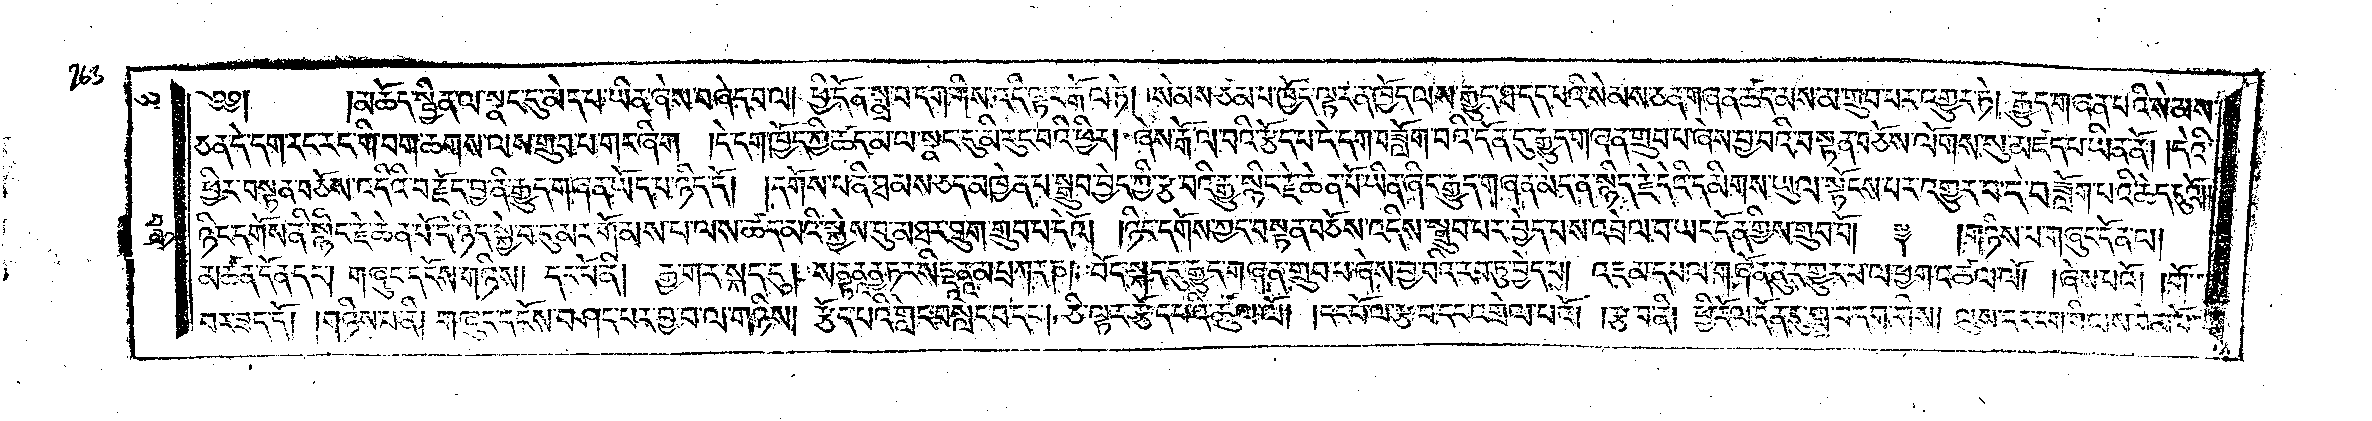༄༅། །མཆོད་སྦྱིན་ལ་སྣང་དུ་མེད་པ་ཡིན་ཞེས་བཞེད་བ་ལ། ཕྱི་དོན་སྨྲ་བ་དག་གིས་འདི་ལྟར་རྒོལ་ཏེ། །སེམས་ཙམ་པ་ཁྱོད་ལྟར་ན་ཁྱོད་ལས་རྒྱུད་ཐ་དད་པའི་སེམས་ཅན་གཞན་ཚད་མས་མ་གྲུབ་པར་འགྱུར་ཏེ། རྒྱུད་གཞན་པའི་སེམས་
ཅན་དེ་དག་རང་རང་གི་བག་ཆགས་ལས་གྲུབ་པ་གང་ཞིག །དེ་དག་ཁྱོད་ཀྱི་ཚད་མ་ལ་སྣང་དུ་མི་རུང་བའི་ཕྱིར། ཞེས་རྒོ་ལ་བའི་རྩོད་པ་དེ་དག་བཟློག་བའི་དོན་དུ་རྒྱུད་གཞན་གྲུབ་པ་ཞེས་བྱ་བའི་བསྟན་བཅོས་ལོགས་སུ་མཛད་པ་ཡིན་ནོ། །དེའི་
ཕྱིར་བསྟན་བཅོས་འདིའི་བརྗོད་བྱ་ནི་རྒྱུད་གཞན་ཡོད་པ་ཉིད་དོ། །དགོས་པ་ནི་ཐམས་ཅད་མཁྱེན་པ་སྒྲུབ་བྱེད་ཀྱི་རྩ་བའི་རྒྱུ་སྙིང་རྗེ་ཆེན་པོ་ཡིན་ཞིང་རྒྱུད་གཞན་མེད་ན་སྙིང་རྗེ་དེའི་དམིགས་ཡུལ་སྟོངས་པར་འགྱུར་བ་དེ་བཟློག་པའི་ཆེད་དུའོ།།
ཉིང་དགོས་ནི་སྙིང་རྗེ་ཆེན་པོ་དེ་ཉིད་སྐྱེ་བ་དུ་མར་གོམས་པ་ལས་ཚད་མའི་སྐྱེས་བུ་མཐར་ཐུག་གྲུབ་པ་དེའོ། །ཉིང་དགོས་ཀྱང་བསྟན་བཅོས་འདིས་སྒྲུབ་པར་བྱེད་པས་འབྲེལ་བ་ཡང་དོན་གྱིས་གྲུབ་བོ། ༈ །གཉིས་པ་གཞུང་དོན་ལ།
མཚན་དོན་དང་། གཞུང་དངོས་གཉིས། དང་པོ་ནི། རྒྱ་གར་སྐད་དུ། སནྟནཱནྱཏར་སིདྡཱནཱ་མ་པྲ་ཀ་ར་ཎ། བོད་སྐད་དུ་རྒྱུད་གཞན་གྲུབ་པ་ཞེས་བྱ་བའི་རབ་ཏུ་བྱེད་པ། འཇམ་དཔལ་གཞོན་ནུར་གྱུར་པ་ལ་ཕྱག་འཚལ་ལོ། །ཞེས་པའོ། །གོ་
བར་ཟད་དོ། །གཉིས་པ་ནི། གཞུང་དངོས་བཤད་པར་བྱ་བ་ལ་གཉིས། རྩོད་པའི་གླེང་བསླང་བ་དང་། ཅི་ལྟར་རྩོད་པའི་ཚུལ་ལོ། །དང་པོ་ལ་རྩ་བ་དང་འགྲེལ་པའོ། །རྩ་བ་ནི། ཕྱི་རོལ་དོན་དུ་?གླུ་བདག་གིས། ལུས་དང་ངག་གི་ལས་བེམ་པོ་